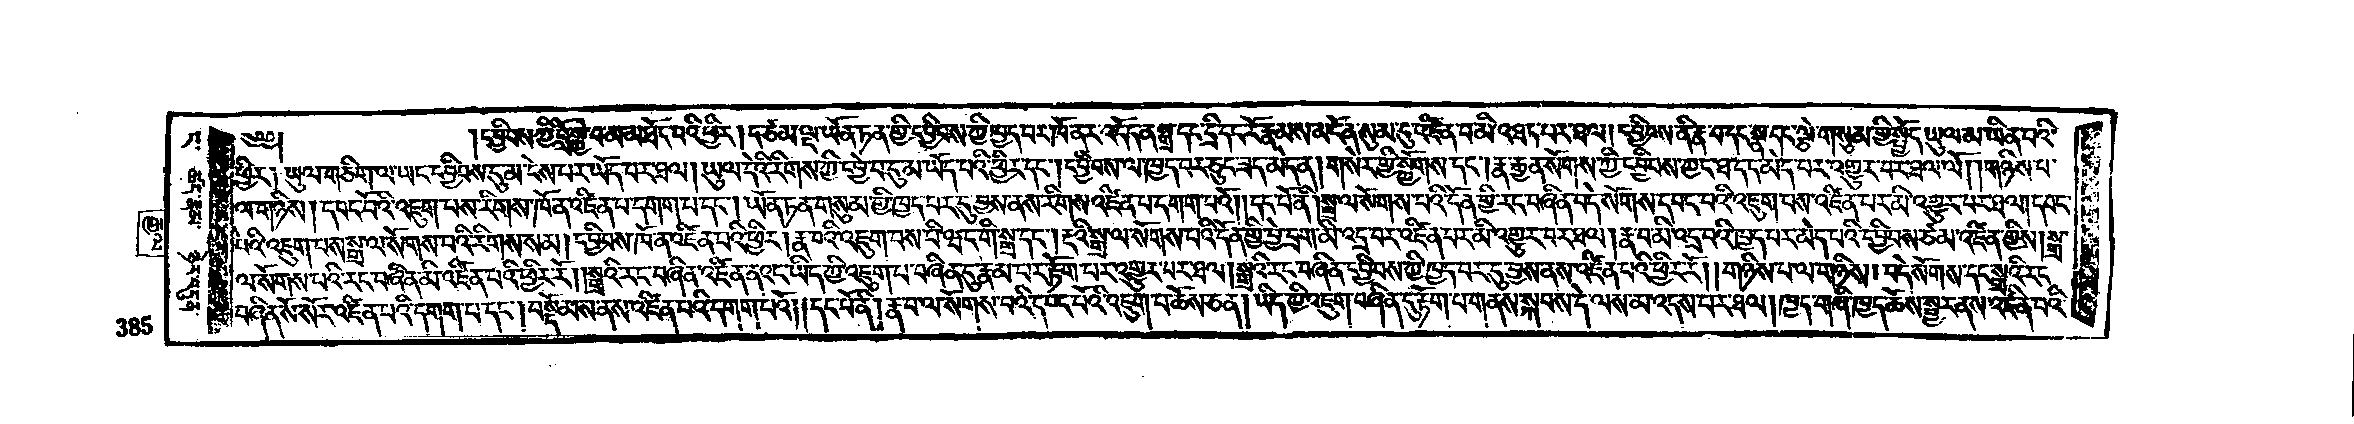༄༅། །དབྱིབས་ཀྱི་བློ་སྐྱེ་བ་མ་མཐོང་བའི་ཕྱིར། ད་ཙམ་ལྔ་ཡོན་ཏན་གྱི་དབྱིབས་ཀྱི་ཁྱད་པར་ཁོ་ནར་འདོད་ན་སྒྲ་དང་དྲི་དང་རོ་རྣམས་མངོན་སུམ་དུ་འཛིན་པ་མི་འཐད་པར་ཐལ། དབྱིབས་ནི་རྣ་བ་དང་སྣ་དང་ལྕེ་གསུམ་གྱི་སྤྱོད་ཡུལ་མ་ཡིན་པའི་
ཕྱིར༑ ཡུལ་གཅིག་ལ་ཡང་དབྱིབས་དུ་མ་ངེས་པར་ཡོད་པར་ཐལ། ཡུལ་དེའི་རིགས་ཀྱི་དབྱེ་བ་དུ་མ་ཡོད་པའི་ཕྱིར་དང་། དབྱིབས་ལ་ཁྱད་པར་ཅུང་ཟད་མེད་ན། གསེར་གྱི་སྐྱོགས་དང་། རྣ་རྒྱན་སོགས་ཀྱི་དབྱིབས་ཀྱང་ཐ་དད་མེད་པར་འགྱུར་པར་ཐལ་ལོ། །གཉིས་པ་
ལ་གཉིས། དབང་པོའི་འཇུག་པས་རིགས་ཁོ་ན་འཛིན་པ་དགག་པ་དང་། ཡོན་ཏན་གསུམ་གྱི་ཁྱད་པར་དུ་བྱས་ནས་རིགས་འཛིན་པ་དགག་པའོ། །དང་པོ་ནི། སྒྲ་ལ་སོགས་པའི་དོན་གྱི་རང་བཞིན་བདེ་སོགས་དབང་པའི་འཇུག་པས་འཛིན་པར་མི་འགྱུར་པར་ཐལ། དབང་
པའི་འཇུག་པས་སྒྲ་ལ་སོགས་པའི་རིགས་སམ། དབྱིབས་ཁོ་ན་འཛིན་པའི་ཕྱིར། རྣ་བའི་འཇུག་པས་པོ་ཝང་གི་སྒྲ་དང་། སྔའི་སྒྲ་ལ་སོགས་པའི་དོན་གྱི་བྱེ་བྲག་མི་འདྲ་བར་འཛིན་པར་མི་འགྱུར་པར་ཐལ། རྣ་བ་མི་འདྲ་བའི་ཁྱད་པར་མེད་པའི་དབྱིབས་ཙམ་འཛིན་གྱིས། སྒྲ་
ལ་སོགས་པའི་རང་བཞིན་མི་འཛིན་པའི་ཕྱིར་རོ། །སྒྲའི་རང་བཞིན་འཛིན་ནའང་ཡིད་ཀྱི་འཇུག་པ་བཞིན་དུ་རྣམ་པར་རྟོག་པར་འགྱུར་པར་ཐལ། སྒྲའི་རང་བཞིན་དབྱིབས་ཀྱི་ཁྱད་པར་དུ་བྱས་ནས་འཛིན་པའི་ཕྱིར་རོ། །གཉིས་པ་ལ་གཉིས། བདེ་སོགས་དང་སྒྲའི་རང་
བཞིན་སོ་སོར་འཛིན་པའི་དགག་པ་དང་། བསྡོམས་ནས་འཛིན་པའི་དགག་པའོ། །དང་པོ་ནི། རྣ་བ་ལ་སོགས་པའི་དབང་པོའི་འཇུག་པ་ཆོས་ཅན། ཡིད་ཀྱི་འཇུག་བཞིན་དུ་རྟོག་པ་གནས་སྐབས་དེ་ལས་མ་འདས་ཐར་ཐལ། ཁྱད་གཞི་ཁྱད་ཆོས་སྦྱར་ནས་འཛིན་བའི་